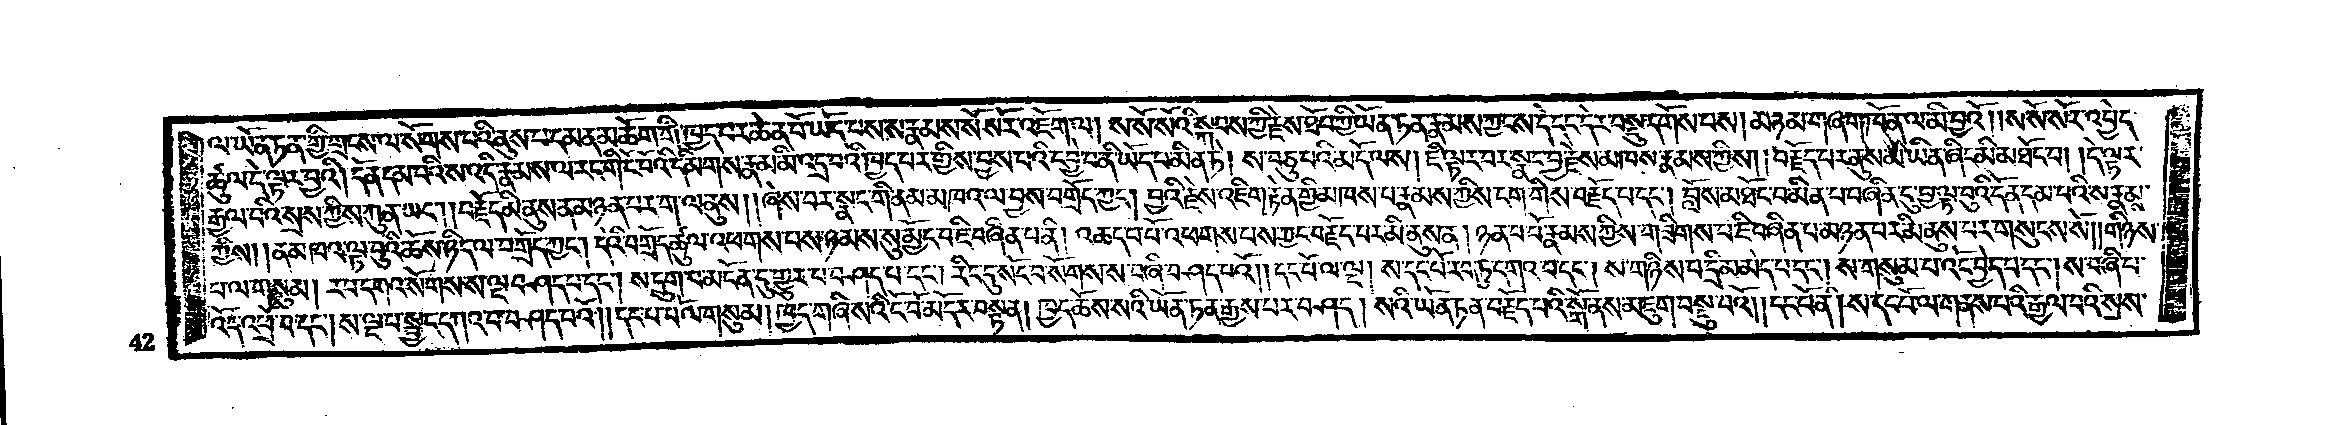ལ་ཡོན་ཏན་གྱི་གྲངས་ལ་སོགས་པའི་ནུས་པ་དམན་མཆོག་གི་ཁྱད་པར་ཆེན་པོ་ཡོད་པས་ས་རྣམས་སོ་སོར་འཇོག་ལ། ས་སོ་སོའི་སྐབས་ཀྱི་རྗེས་ཐོབ་ཀྱི་ཡོན་ཏན་རྣམས་ཀྱང་ས་དེ་དང་དེར་བསྡུ་དགོས་པས། མཉམ་གཞག་ཁོ་ན་ལ་མི་བྱའོ། །ས་སོ་སོར་འབྱེད་
ཚུལ་དེ་ལྟར་བྱའི། དོན་དམ་པའི་ས་འདི་རྣམས་ལ་རང་གི་ངོ་བོའི་དམིགས་རྣམ་མི་འདྲ་བའི་ཁྱད་པར་གྱིས་བྱས་པའི་དབྱེ་བ་ནི་ཡོད་པ་མིན་ཏེ། ས་བཅུ་པའི་མདོ་ལས། ཇི་ལྟར་བར་སྣང་བྱ་རྗེས་མཁས་རྣམས་ཀྱིས། །བརྗོད་པར་ནུས་མ་ཡིན་ཞིང་མི་མཐོང་བ། །དེ་ལྟར་
རྒྱལ་པའི་སྲས་ཀྱི་ས་ཀུན་ཡང་། །བརྗོད་མི་ནུས་ན་མཉན་པར་ག་ལ་ནུས། །ཞེས་བར་སྣང་གི་ནམ་མཁའ་ལ་བྱས་བགྲོད་ཀྱང་། བྱའི་རྗེས་འཇིག་རྟེན་གྱི་མཁས་པ་རྣམས་ཀྱིས་ངག་གིས་བརྗོད་པ་དང་། བློས་མཐོང་བ་མིན་པ་བཞིན་དུ་བྱ་ལྟ་བུའི་དོན་དམ་པའི་ས་རྣམས་
ཀྱིས། །ནམ་མཁའ་ལྟ་བུའི་ཆོས་ཉིད་ལ་བགྲོད་ཀྱང་། དེའི་བགྲོད་ཚུལ་འཕགས་པས་ཉམས་སུ་མྱོང་བ་ཇི་བཞིན་པ་ནི། འཆད་པ་པོ་འཕགས་པས་ཀྱང་བརྗོད་པར་མི་ནུས་ན། ཉན་པ་པོ་རྣམས་ཀྱིས་གཟིགས་པ་ཇི་བཞིན་པ་མཉན་པར་མི་ནུས་པར་གསུངས་སོ། །གཉིས་
པ་ལ་གསུམ། རབ་དགའ་སོགས་ས་ལྔ་བཤད་པ་དང་། ས་དྲུག་པ་མངོན་དུ་གྱུར་པ་བཤད་པ་དང་། རིང་དུ་སོང་བ་སོགས་ས་བཞི་བཤད་པའོ། །དང་པོ་ལ་ལྔ། ས་དང་པོ་རབ་ཏུ་དགའ་བ་དང་། ས་གཉིས་པ་དྲི་མ་མེད་པ་དང་། ས་གསུམ་པ་འོད་བྱེད་པ་དང་། ས་བཞི་པ་
འོད་འཕྲོ་བ་དང་། ས་ལྔ་པ་སྦྱང་དཀའ་བ་བཤད་བའོ། །དང་པོ་ལ་གསུམ། ཁྱད་བཞི་སའི་ངོ་བོ་མདོར་བསྟན། ཁྱད་ཆོས་སའི་ཡོན་ཏན་རྒྱས་པར་བཤད། སའི་ཡོན་ཏན་བརྗོད་པའི་སྒོ་ནས་མཇུག་བསྡུ་བའོ། །དང་པོ་ནི། ས་དང་པོ་ལ་གནས་པའི་རྒྱལ་བའི་སྲས་